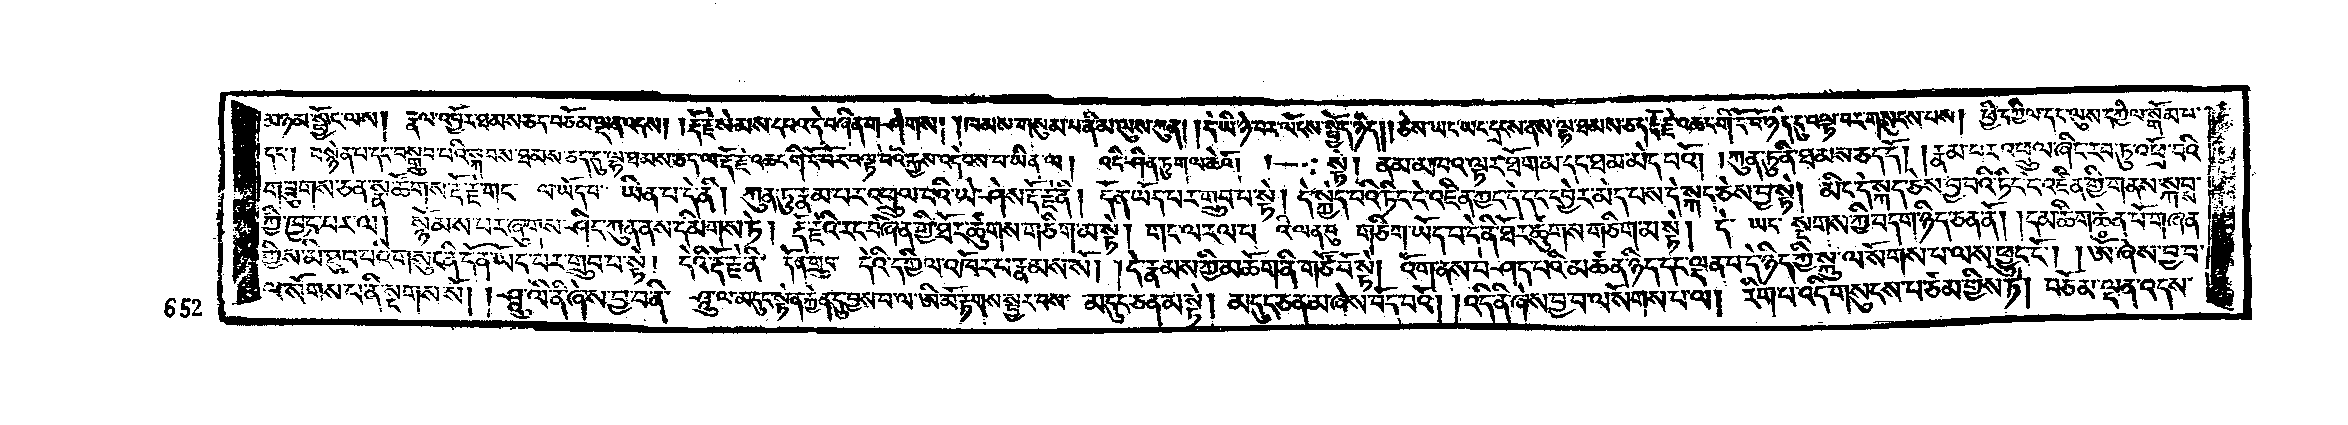མཉམ་སྦྱོང་ལས། རྣལ་འབྱོར་ཐམས་ཅད་བཅོམ་ལྡན་འདས། །རྡོ་རྗེ་སེམས་དཔའ་དེ་བཞིན་གཤེགས། །ཁམས་གསུམ་པ་ནི་མ་ལུས་ཀུན། །དེ་ཡི་ཉེ་བར་ལོངས་སྤྱོད་ཉིད། །ཅེས་ཡང་ཡང་དྲངས་ནས་ལྷ་ཐམས་ཅད་རྡོ་རྗེ་འཆང་གི་ངོ་བོ་ཉིད་དུ་བལྟ་བར་གསུངས་པས། ཕྱི་དཀྱིལ་དང་ལུས་དཀྱིལ་སྒོམ་པ་
དང་། བསྙེན་པ་དང་བསྒྲུབ་པའི་སྐབས་ཐམས་ཅད་དུ་ལྷ་ཐམས་ཅད་ལ་རྡོ་རྗེ་འཆང་གི་ངོ་བོར་བལྟ་བའི་རྒྱས་འདེབས་པ་ཡིན་ལ། འདི་ཤིན་ཏུ་གལ་ཆེའོ།། .H སྟེ། ནམ་མཁའ་ལྟར་ཐོག་མ་དང་ཐ་མ་མེད་པའོ། །ཀུན་ཏུ་ནི་ཐམས་ཅད་དོ། །རྣམ་པར་འཕྲུལ་ཞིང་རབ་ཏུ་འཕྲོ་བའི་
གཟུགས་ཅན་སྣ་ཚོགས་རྡོ་རྗེ་གང་ལ་ཡོད་པ་ཡིན་པ་དེ་ནི། ཀུན་ཏུ་རྣམ་པར་འཕྲུལ་བའི་ཡེ་ཤེས་རྡོ་རྗེ་ནི། དོན་ཡོད་པར་གྲུབ་པ་སྟེ། དེ་སྐྱེད་པའི་ཏིང་ངེ་འཛིན་ཀྱང་དེ་དང་དབྱེར་མེད་པས་དེ་སྐད་ཅེས་བྱ་སྟེ། མིང་དེ་སྐད་ཅེས་བྱ་བའི་ཏིང་ངེ་འཛིན་གྱི་གནས་སྐབས་
ཀྱི་ཁྱད་པར་ལ། སྙོམས་པར་ཞུགས་ཤིང་ཀུན་ནས་དམིགས་ཏེ། རྡོ་རྗེའི་རང་བཞིན་གྱི་ཐོར་ཚུགས་གཅིག་མ་སྟེ། གང་ལ་རལ་པའི་ལན་བུ་གཅིག་ཡོད་པ་དེ་ནི་ཐོར་ཚུགས་གཅིག་མ་སྟེ། དེ་ཡང་སྔགས་ཀྱི་བདག་ཉིད་ཅན་ནོ། །དམ་ཚིག་ཆེན་པོ་གཞན་
གྱིས་མི་ཐུབ་པའི་གསུང་ནི་དོན་ཡོད་པར་གྲུབ་པ་སྟེ། དེའི་རྡོ་རྗེ་ནི་དོན་གྲུབ་དེའི་དཀྱིལ་འཁོར་པ་རྣམས་སོ། །དེ་རྣམས་ཀྱི་མཆོག་ནི་གཙོ་བོ་སྟེ། འོག་ནས་བཤད་པའི་མཚན་ཉིད་དང་ལྡན་པ་དེ་ཉིད་ཀྱི་སྐུ་ལ་སོགས་པ་ལས་ཕྱུང་ངོ། །ཨོཾ་ཞེས་བྱ་བ་
ལ་སོགས་པ་ནི་སྔགས་སོ། །ཤཱུ་ལི་ནི་ཞེས་བྱ་བ་ནི་ཤཱུ་ལ་མདུང་སྟེ་ན་རྐྱེན་དུ་བྱས་པ་ལ་ཨི་མོ་རྟགས་སྦྱར་བས་མདུང་ཅན་མ་སྟེ། མདུང་ཅན་མ་ཞེས་བོད་པའོ། །འདི་ནི་ཞེས་བྱ་བ་ལ་སོགས་པ་ལ། རིག་པ་འདི་གསུངས་པ་ཙམ་གྱིས་ཏེ། བཅོམ་ལྡན་འདས་